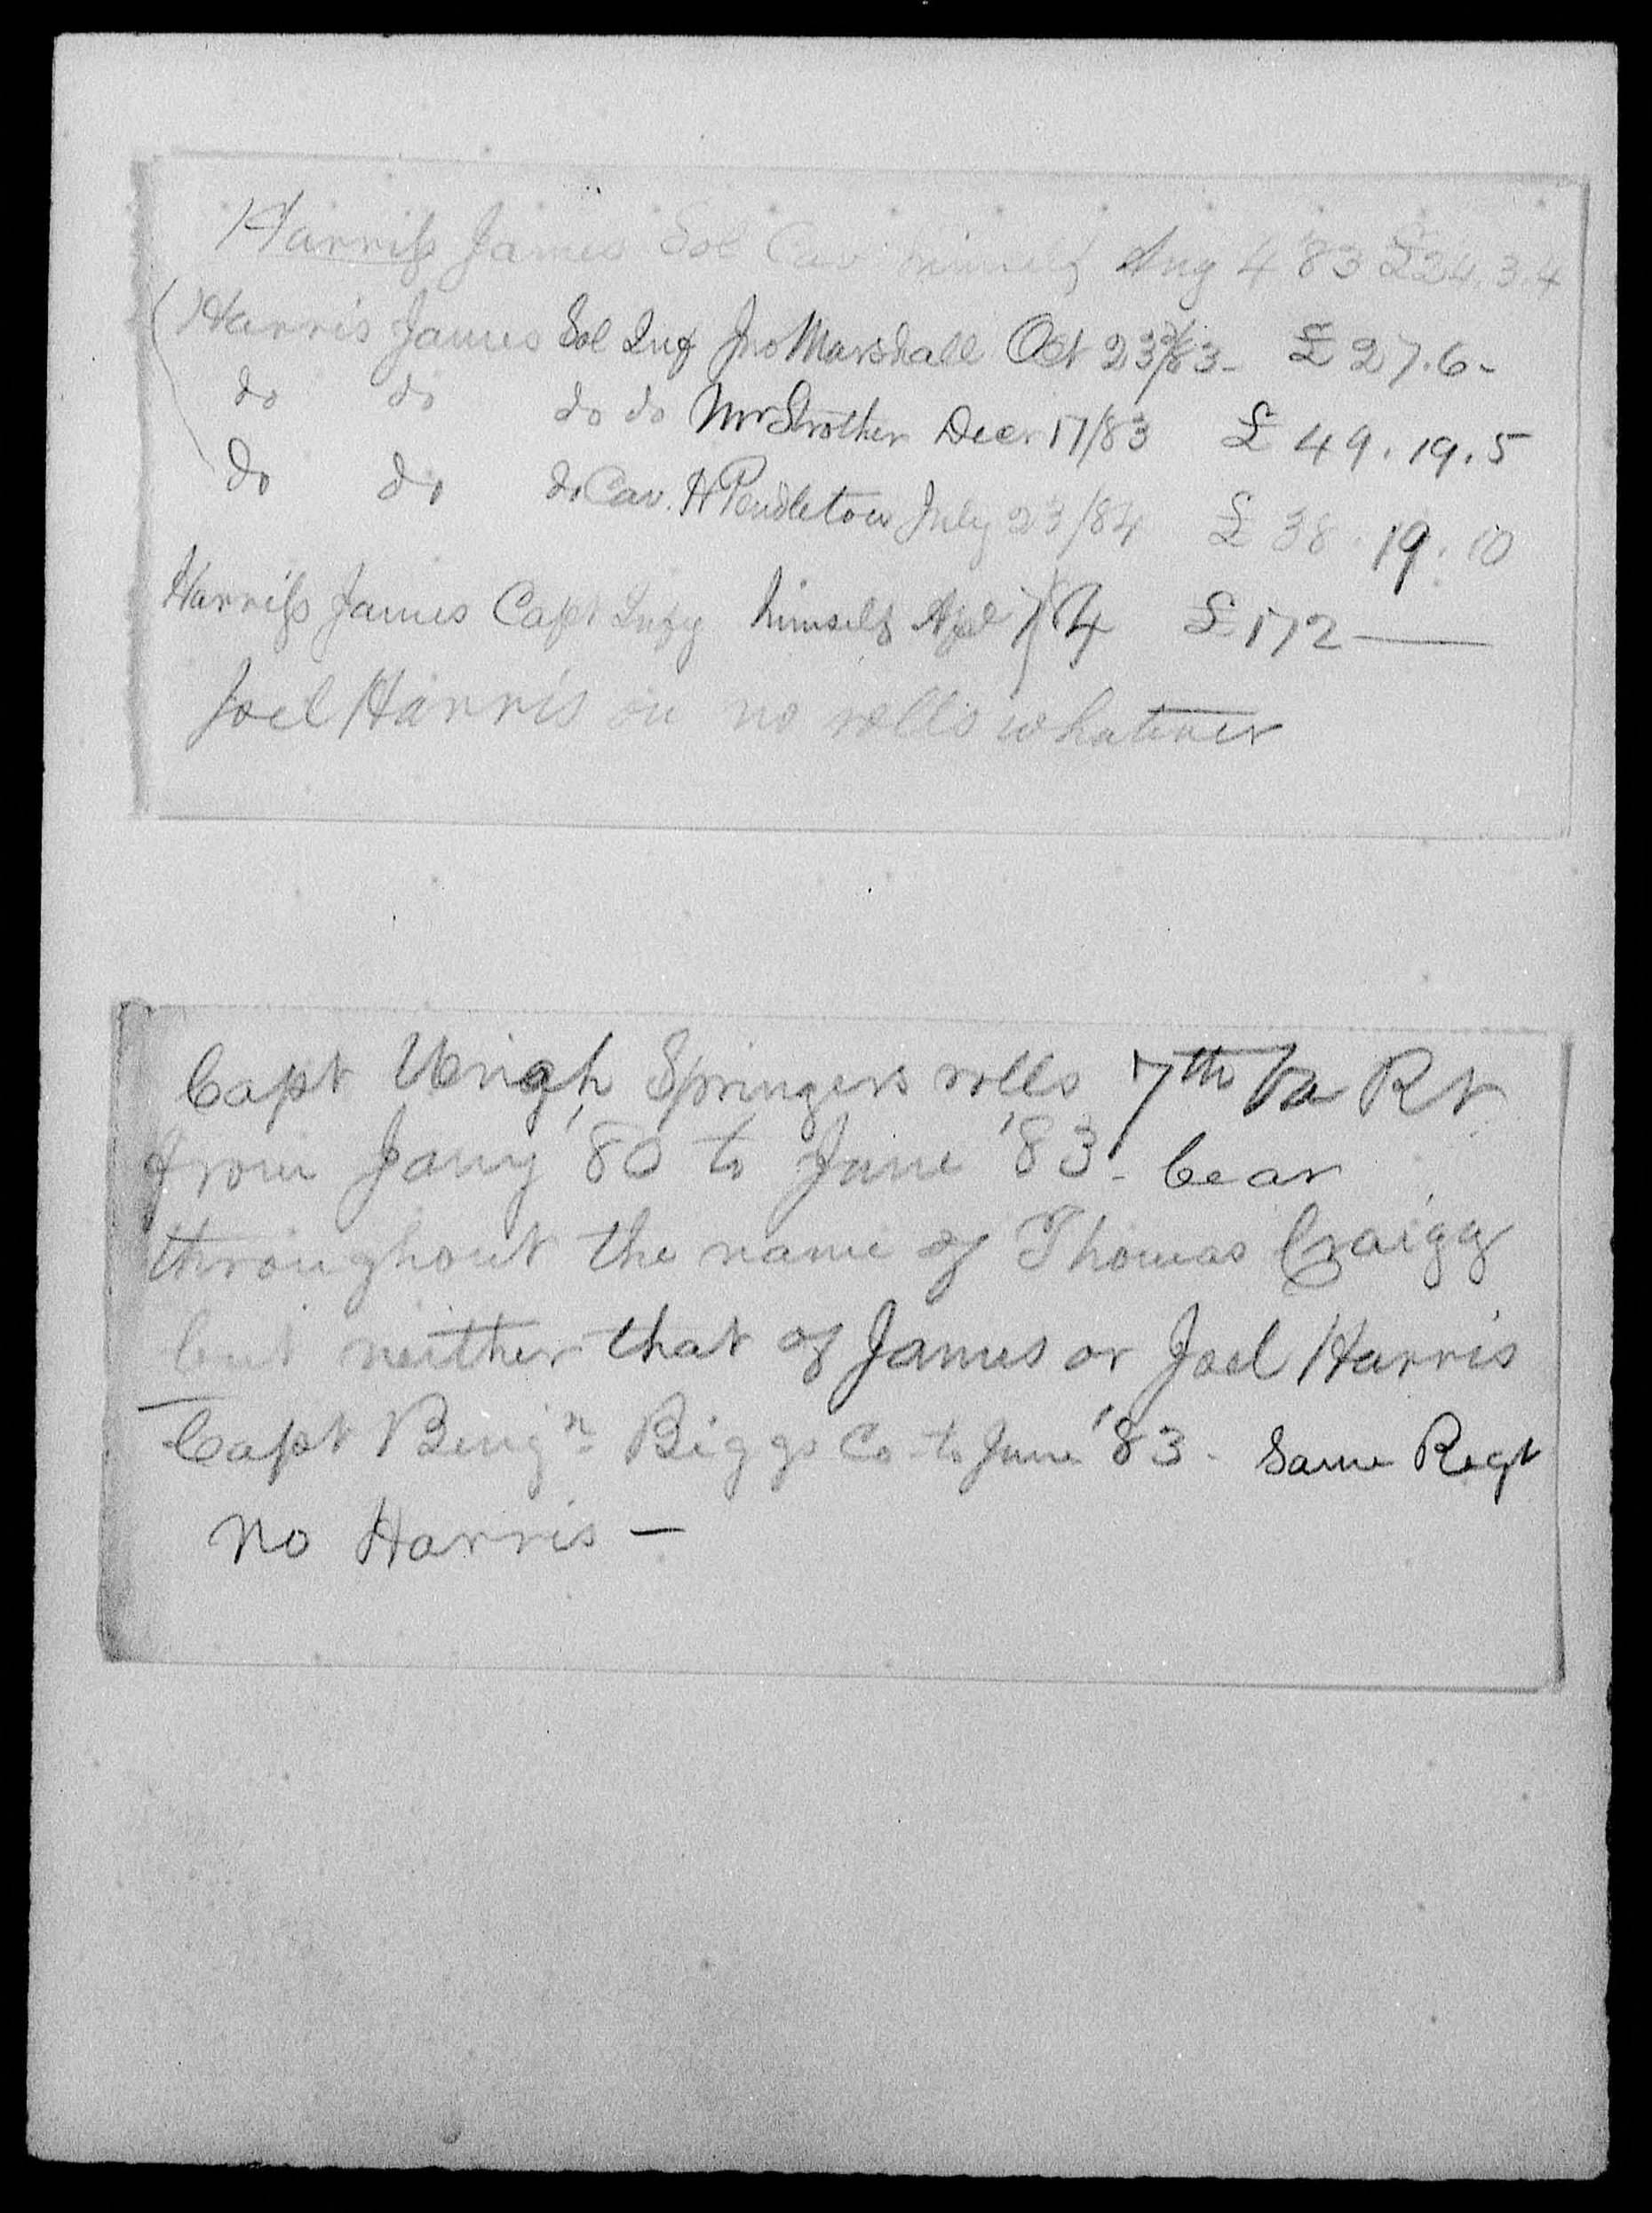Harris | James | Sol Cav |  himself | Aug 4 '83 | [pound sterling]34.3.4
Harris | James | Sol Inf   | Jno Marshall | Oct 23/83 |  [pound sterling]27.6-
  do   |  do       |  do  do  |  Wm Strother  |  Dec 17/83  |  [p.s.]49.19.5
  do  |  do    |  do Cav.  |  H Pendleton  |  July 23/84   [p.s.]39.19.10
Harriss | James  | Capt Infy  |  himself  |  Apl 7/84  [p.s.]172--
Joel Harris on no rolls whatever


Capt Uriah Springers rolls 7th Va Rt
from Jany '80 to June '83. bear
throughout the name of Thomas Craigg but neither that of James or Joel Harris
Capt Benjn Biggs Co to June '83. Same Regt
No Harris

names: Harris, Joel Harris, Joel Harris, James Harris, James Harriss, Thomas Craigg, James Harris, James Harriss, H Pendleton, Jno Marshall, Wrigh Springer, Strother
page: 99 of 160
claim: rejected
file: R. 4666, James Harris, Va.